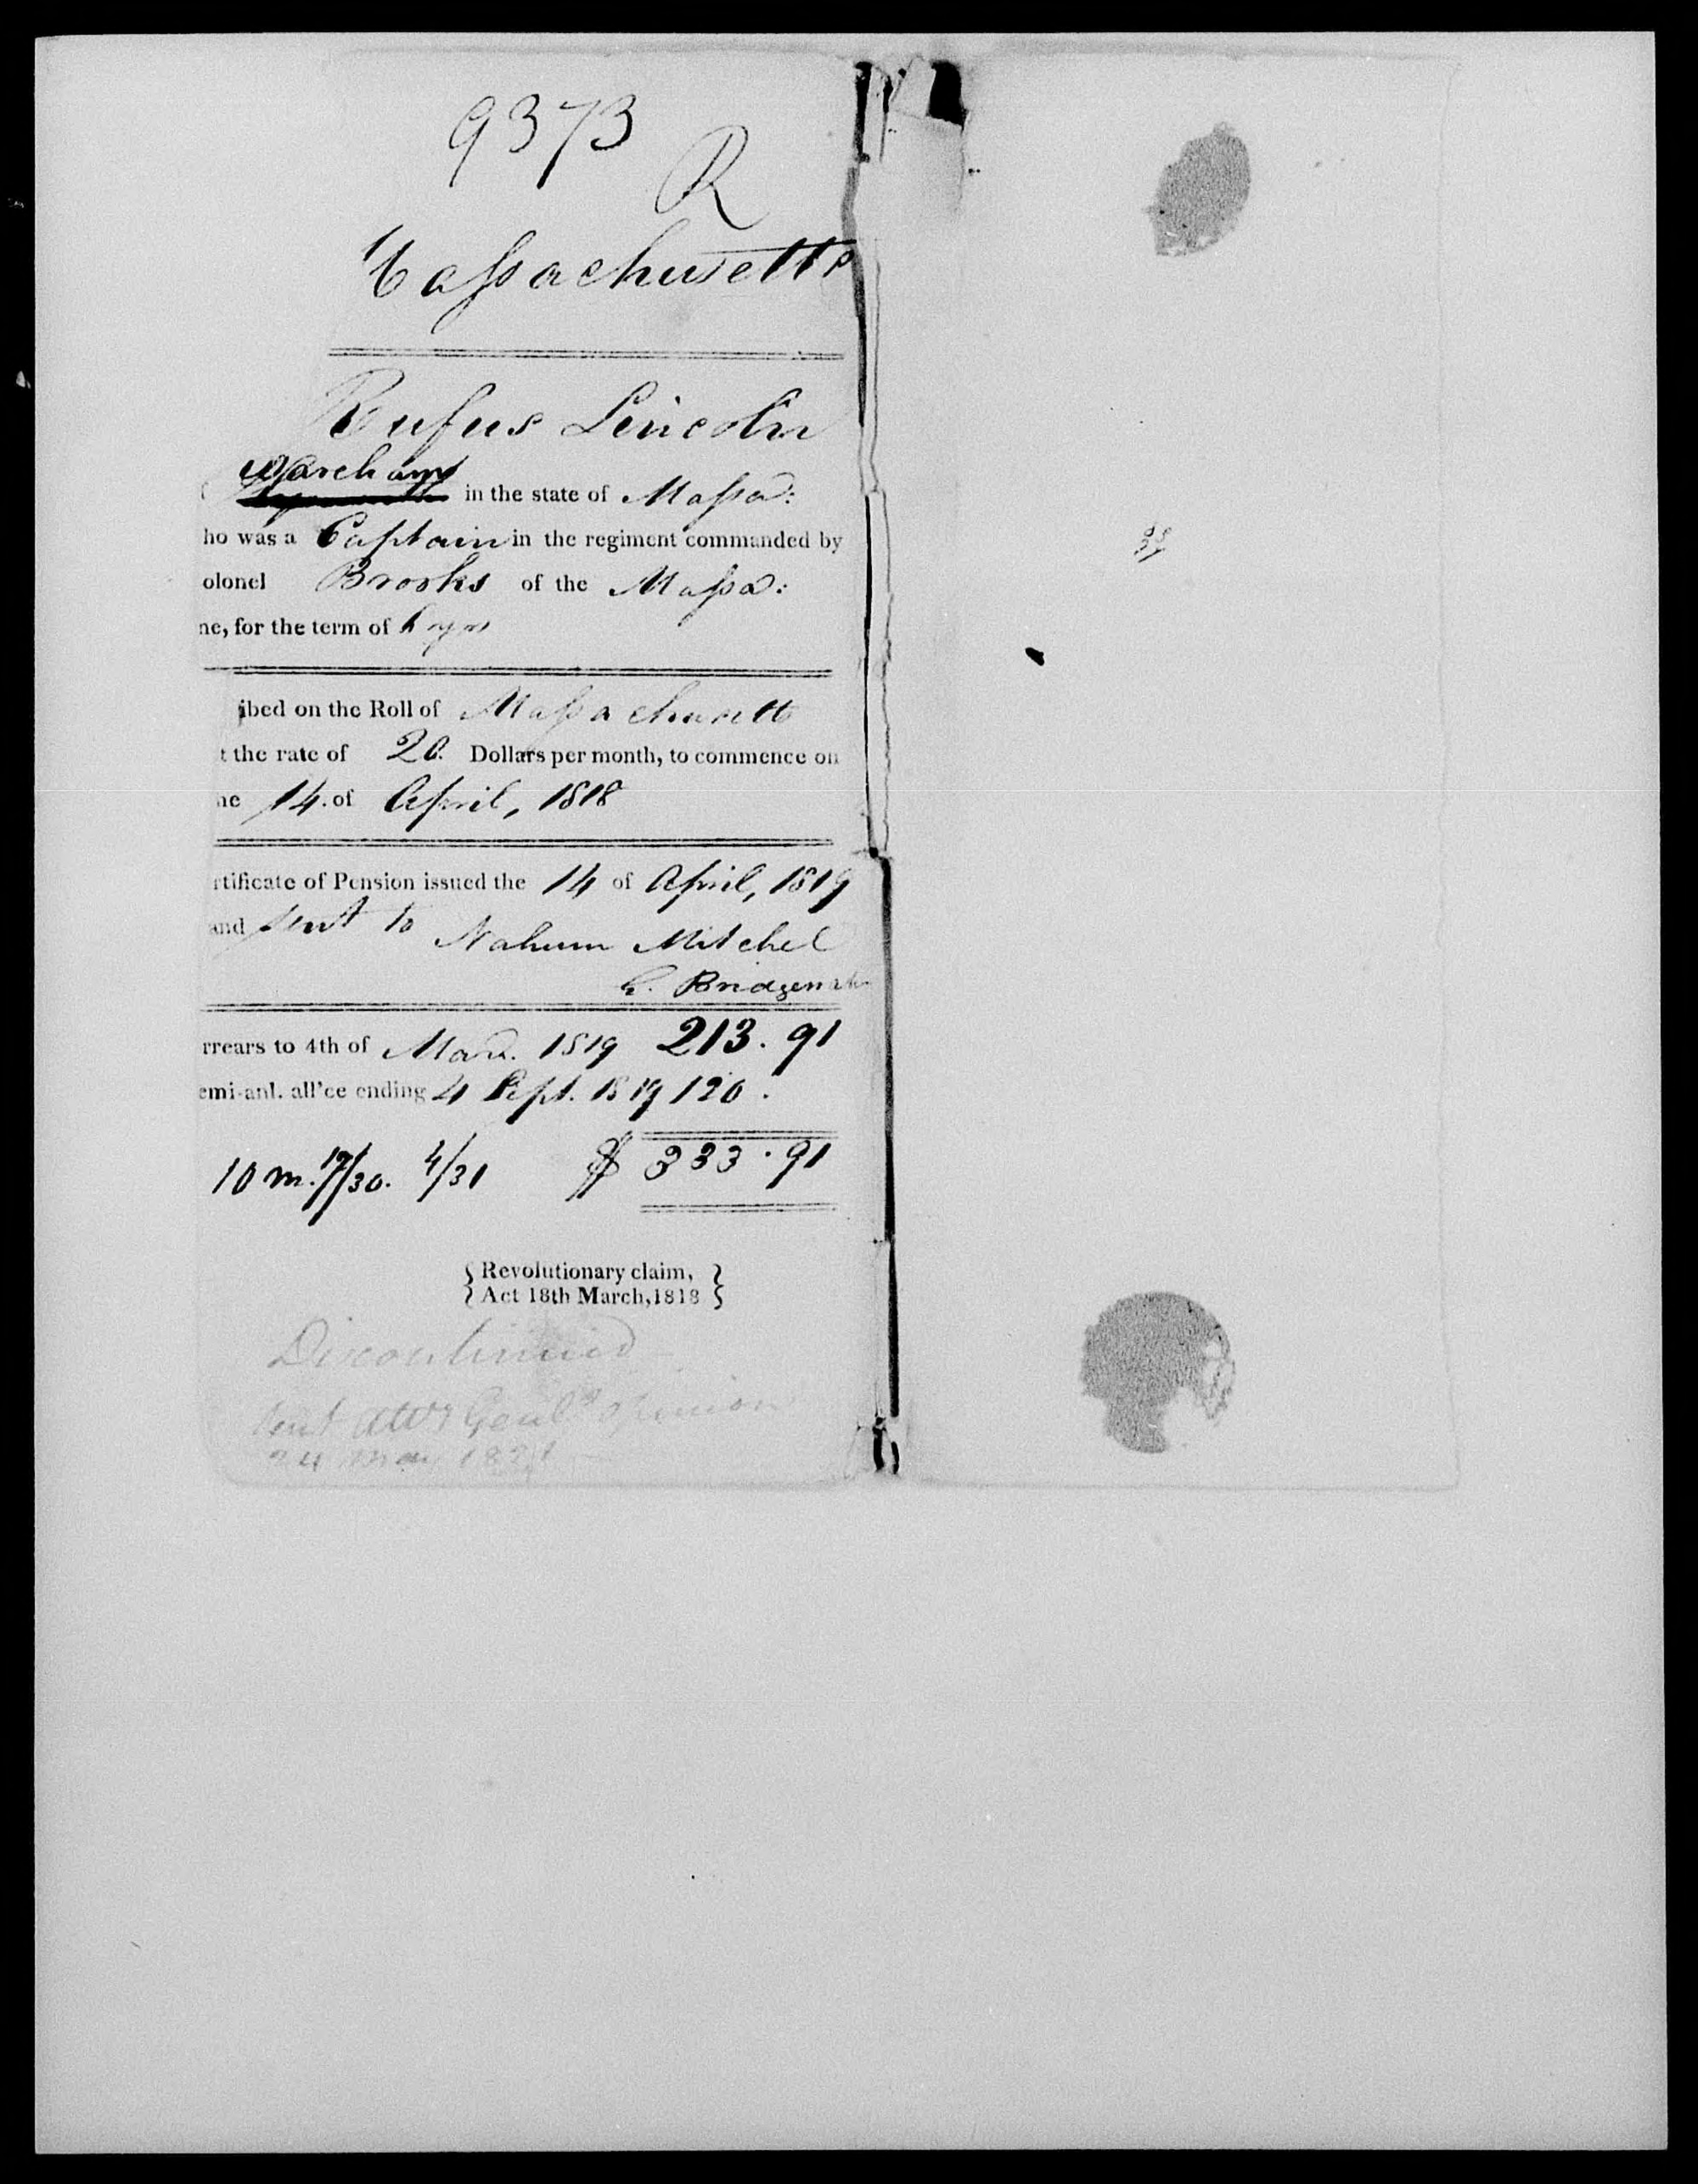9373
R
Massachusetts
-
Rufus Lincoln
Wareham in the State of Mass'tts he was a Captain in the regiment commanded by
Colonel Brooks of the Mass'tts: line, for the term of 6 six years. Inscribed on the Roll of Massachusetts at the rate of 20 Dollars per month, to commence on the 14 of April, 1818
Certificate of Pension issued the 14 of April, 1819 and sent to Nahum Mitchel
E. Bridgewater
---
Arrears to 4th of Mar. 1819  $213.91
Semi-anl. all'ce ending 4 Sept 1819  $120
10m. 1/2 of /30.   4 /31        $333.91
---

{ Revolutionary claim,   }
{ Act 18th March, 1818 }
Discontinued
Sent Atty Gen'l opinion
24 May 1821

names: Rufus Lincoln; Nahum Mitchel; [BLANK] Brooks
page: 2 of 82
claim: widow's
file: W. 13,634, for Rufus Lincoln, Massachusetts